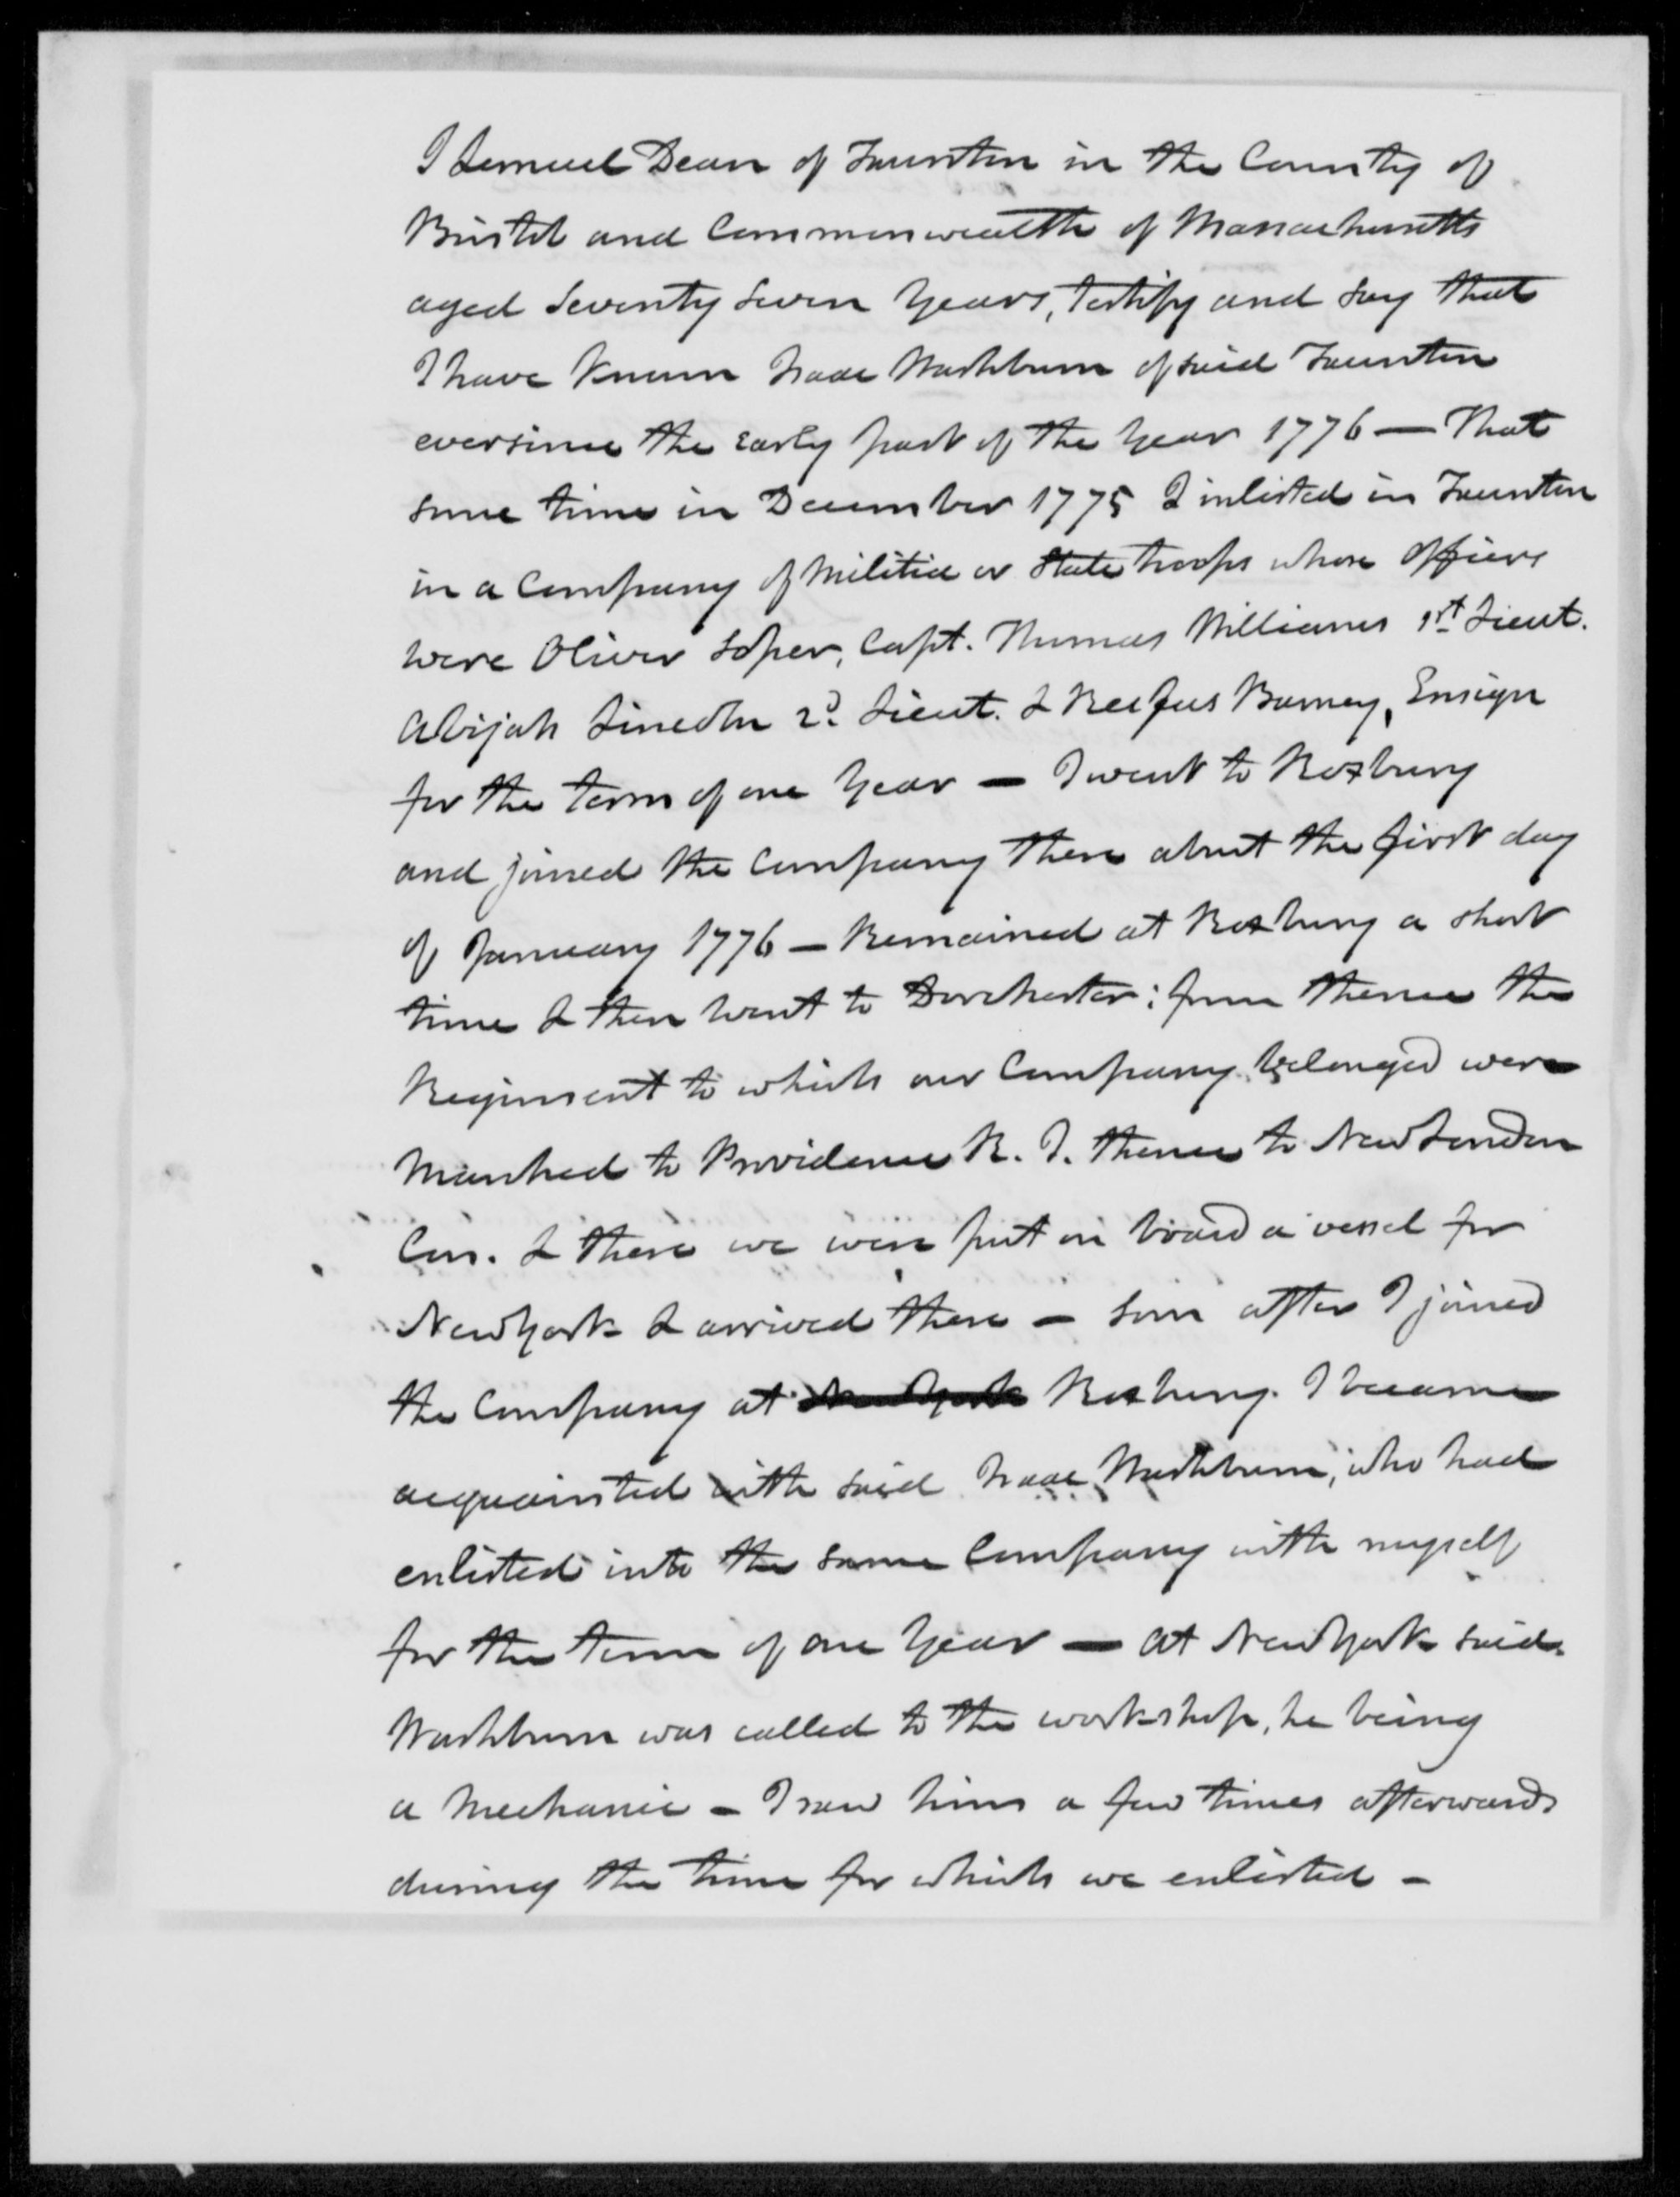I Samuel Dean of Taunton in the County of Bristol and Commonwealth of Massachusetts aged seventy seven years, testify and say that I have known Isaac Washburn of said Taunton ever since the early part of the year 1776– That some time in December 1775 I enlisted in Taunton in a company of Militia or State troops where officers were Oliver Soper, Capt. Thomas Williams 1st Lieut. Alijah Lincoln   2d Lieut. Rufus Burney, Ensign for the term of one year- I went to Roxbury and joined the company then about the first day of January 1776- Remained at Roxbury a short time I then went to Dorchester: from there the Regiment to which our Company belonged was marched to Providence R. I. thence to New London Con. & there we were put on board a vessel for New York - I arrived there - then after I joined the Company at Roxbury. I became acquainted with said Isaac Washburn, who had enlisted into the same company with myself for the term of one year- at New York said Washburn was called to the workshop he being a Mechanic- I saw him a few times afterwards during th time for which we enlisted-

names: Rufus Barney, Thomas Williams, Isaac Washburn, Lemuel Dean, Oliver Soper, Abijah Lincoln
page: 33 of 34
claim: widow's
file: W. 1677, Isaac Washburn, Mass.